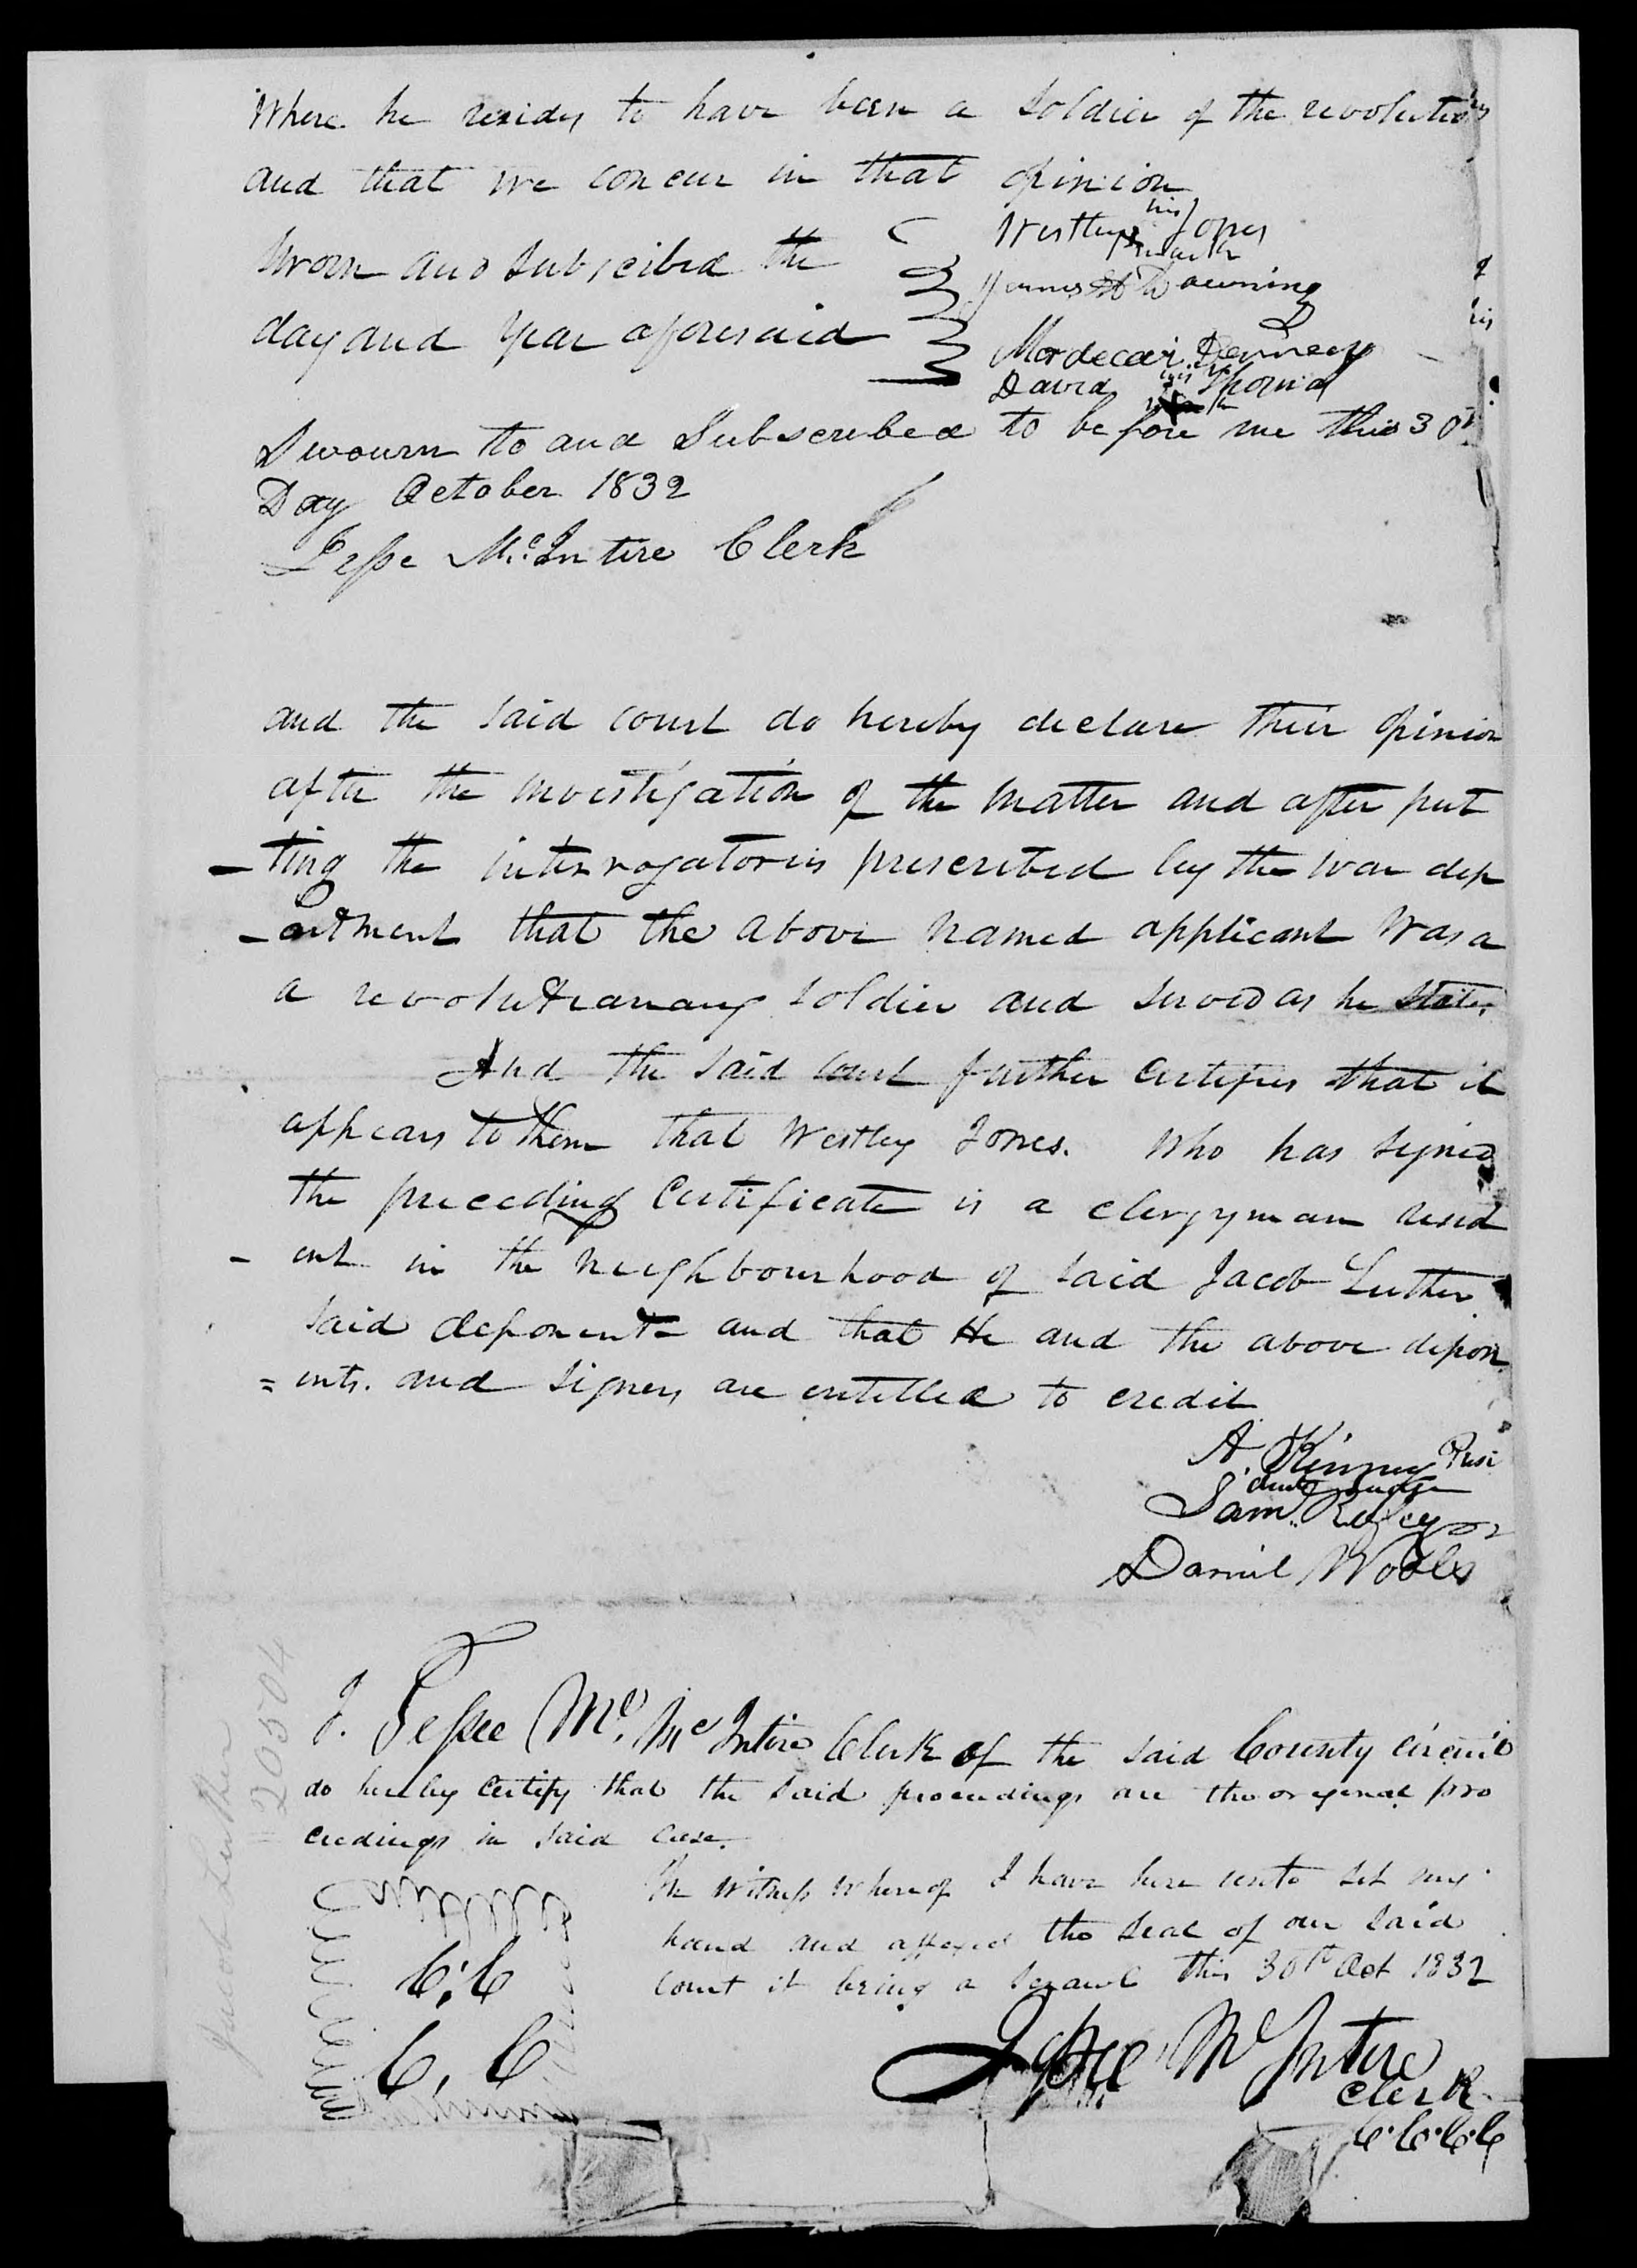where he resides to have been a soldier of the revolution and that we concur in that opinion. 

Westley Jones - His X Mark
James H Downing
Mordecai Denney
David Thomas - His X Mark

Sworn and subscribed the day and year aforesaid.

Sworn to and subscribed to before me this 30th day October 1832.
Jesse McIntire - Clerk

and the said court do hereby declare their opinion after the investigation of the matter and after putting the interrogatories prescribed by the war department that the above named applicant was a revolutionary soldier and served as he states.

And the said Court further certifies that it appears to them that Westley Jones who has signed the preceding certificate is a clergyman residing in the neighborhood of said Jacob Luther said deponent and that he and the above deponents and signers are entitled to credit.

A. Kinney - Presiding Judge
Saml Raley
Daniel Wools

I Jesse McIntire Clerk of the said county circuit do hereby certify that the said proceedings are the original proceedings in said case.

In witness whereof I have hereunto set my hand and affixed the seal of our said court it being a scrawl this 30th Oct 1832.

Jesse McIntire - Clerk C.C.C.C.

SEAL

Jacob Luther 
20504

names: Westley Jones; James H Downing; Saml Raley; David Thomas; Daniel Wools; Jacob Luther; A Kinney; Jesse Mc Intire; Mordecai Denney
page: 10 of 23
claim: rejected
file: R. 6533, for Jacob Luther, Maryland